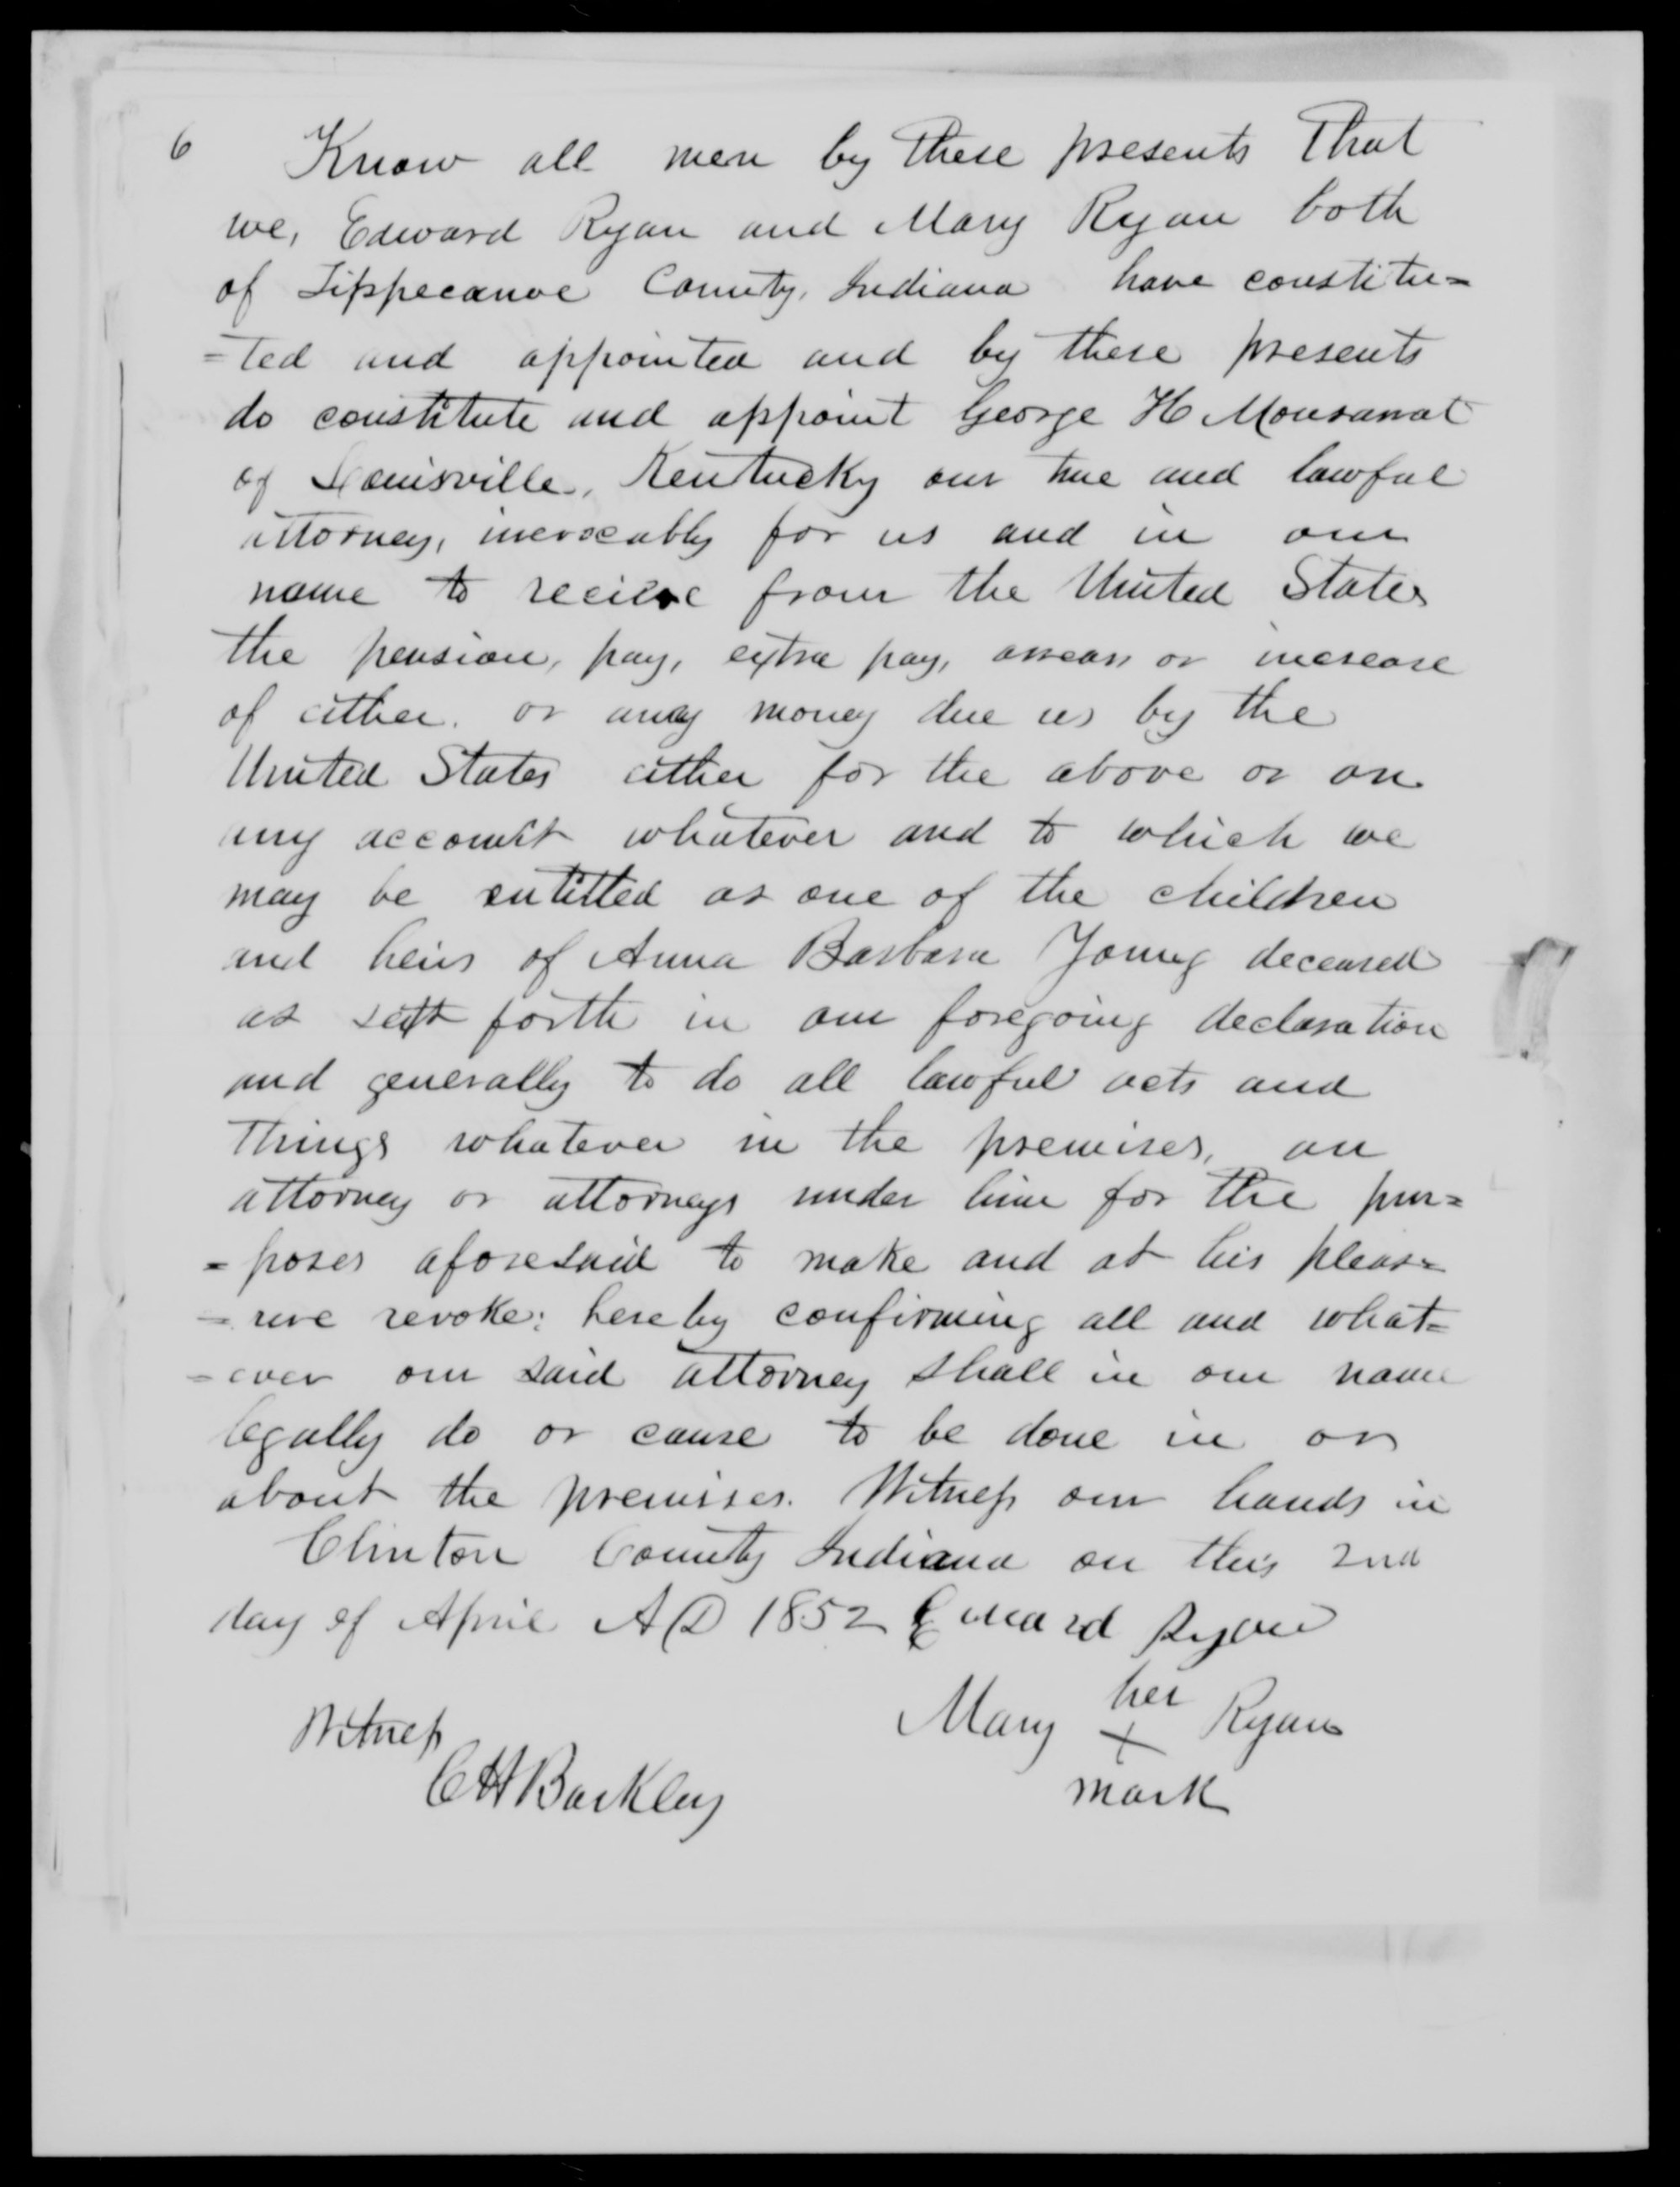6
Know all men by these presents that
we, Edward Ryan and Mary Ryan both
of Tippecanoe County, Indiana have constituted and appointed and by these presents
do constitute and appoint George H Mousarrant
of Louisville, Kentucky our true and lawful
attorney, irrevocably for us and in our
name to receive from the United States
the pension, pay, extra pay, arrears or increase
of either or any money due us by the
United States either for the above or on
any account whatever and to which we
may be entitled as one of the children
and heirs of Anna Barbara Young deceased, 
as set forth in our foregoing declaration, 
and generally to do all lawful acts and
things whatever in the premises, an
attorney or attorneys under him for the purposes aforesaid to make and at his pleasure revoke: hereby confirming all and whatever our said attorney shall in our name legally do or cause to be done in or about the premises. Witness our hands in
Clinton County Indiana on this 2nd
day of April AD 1852.
 Edward Ryan
Mary her Ryan mark
Witness C H Barkley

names: Anna Barbara Young, Mary Ryan, Edward Ryan, George H Monsarrat, C H Barkley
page: 101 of 123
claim: rejected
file: R. 11,949, Matthias Young, Md.